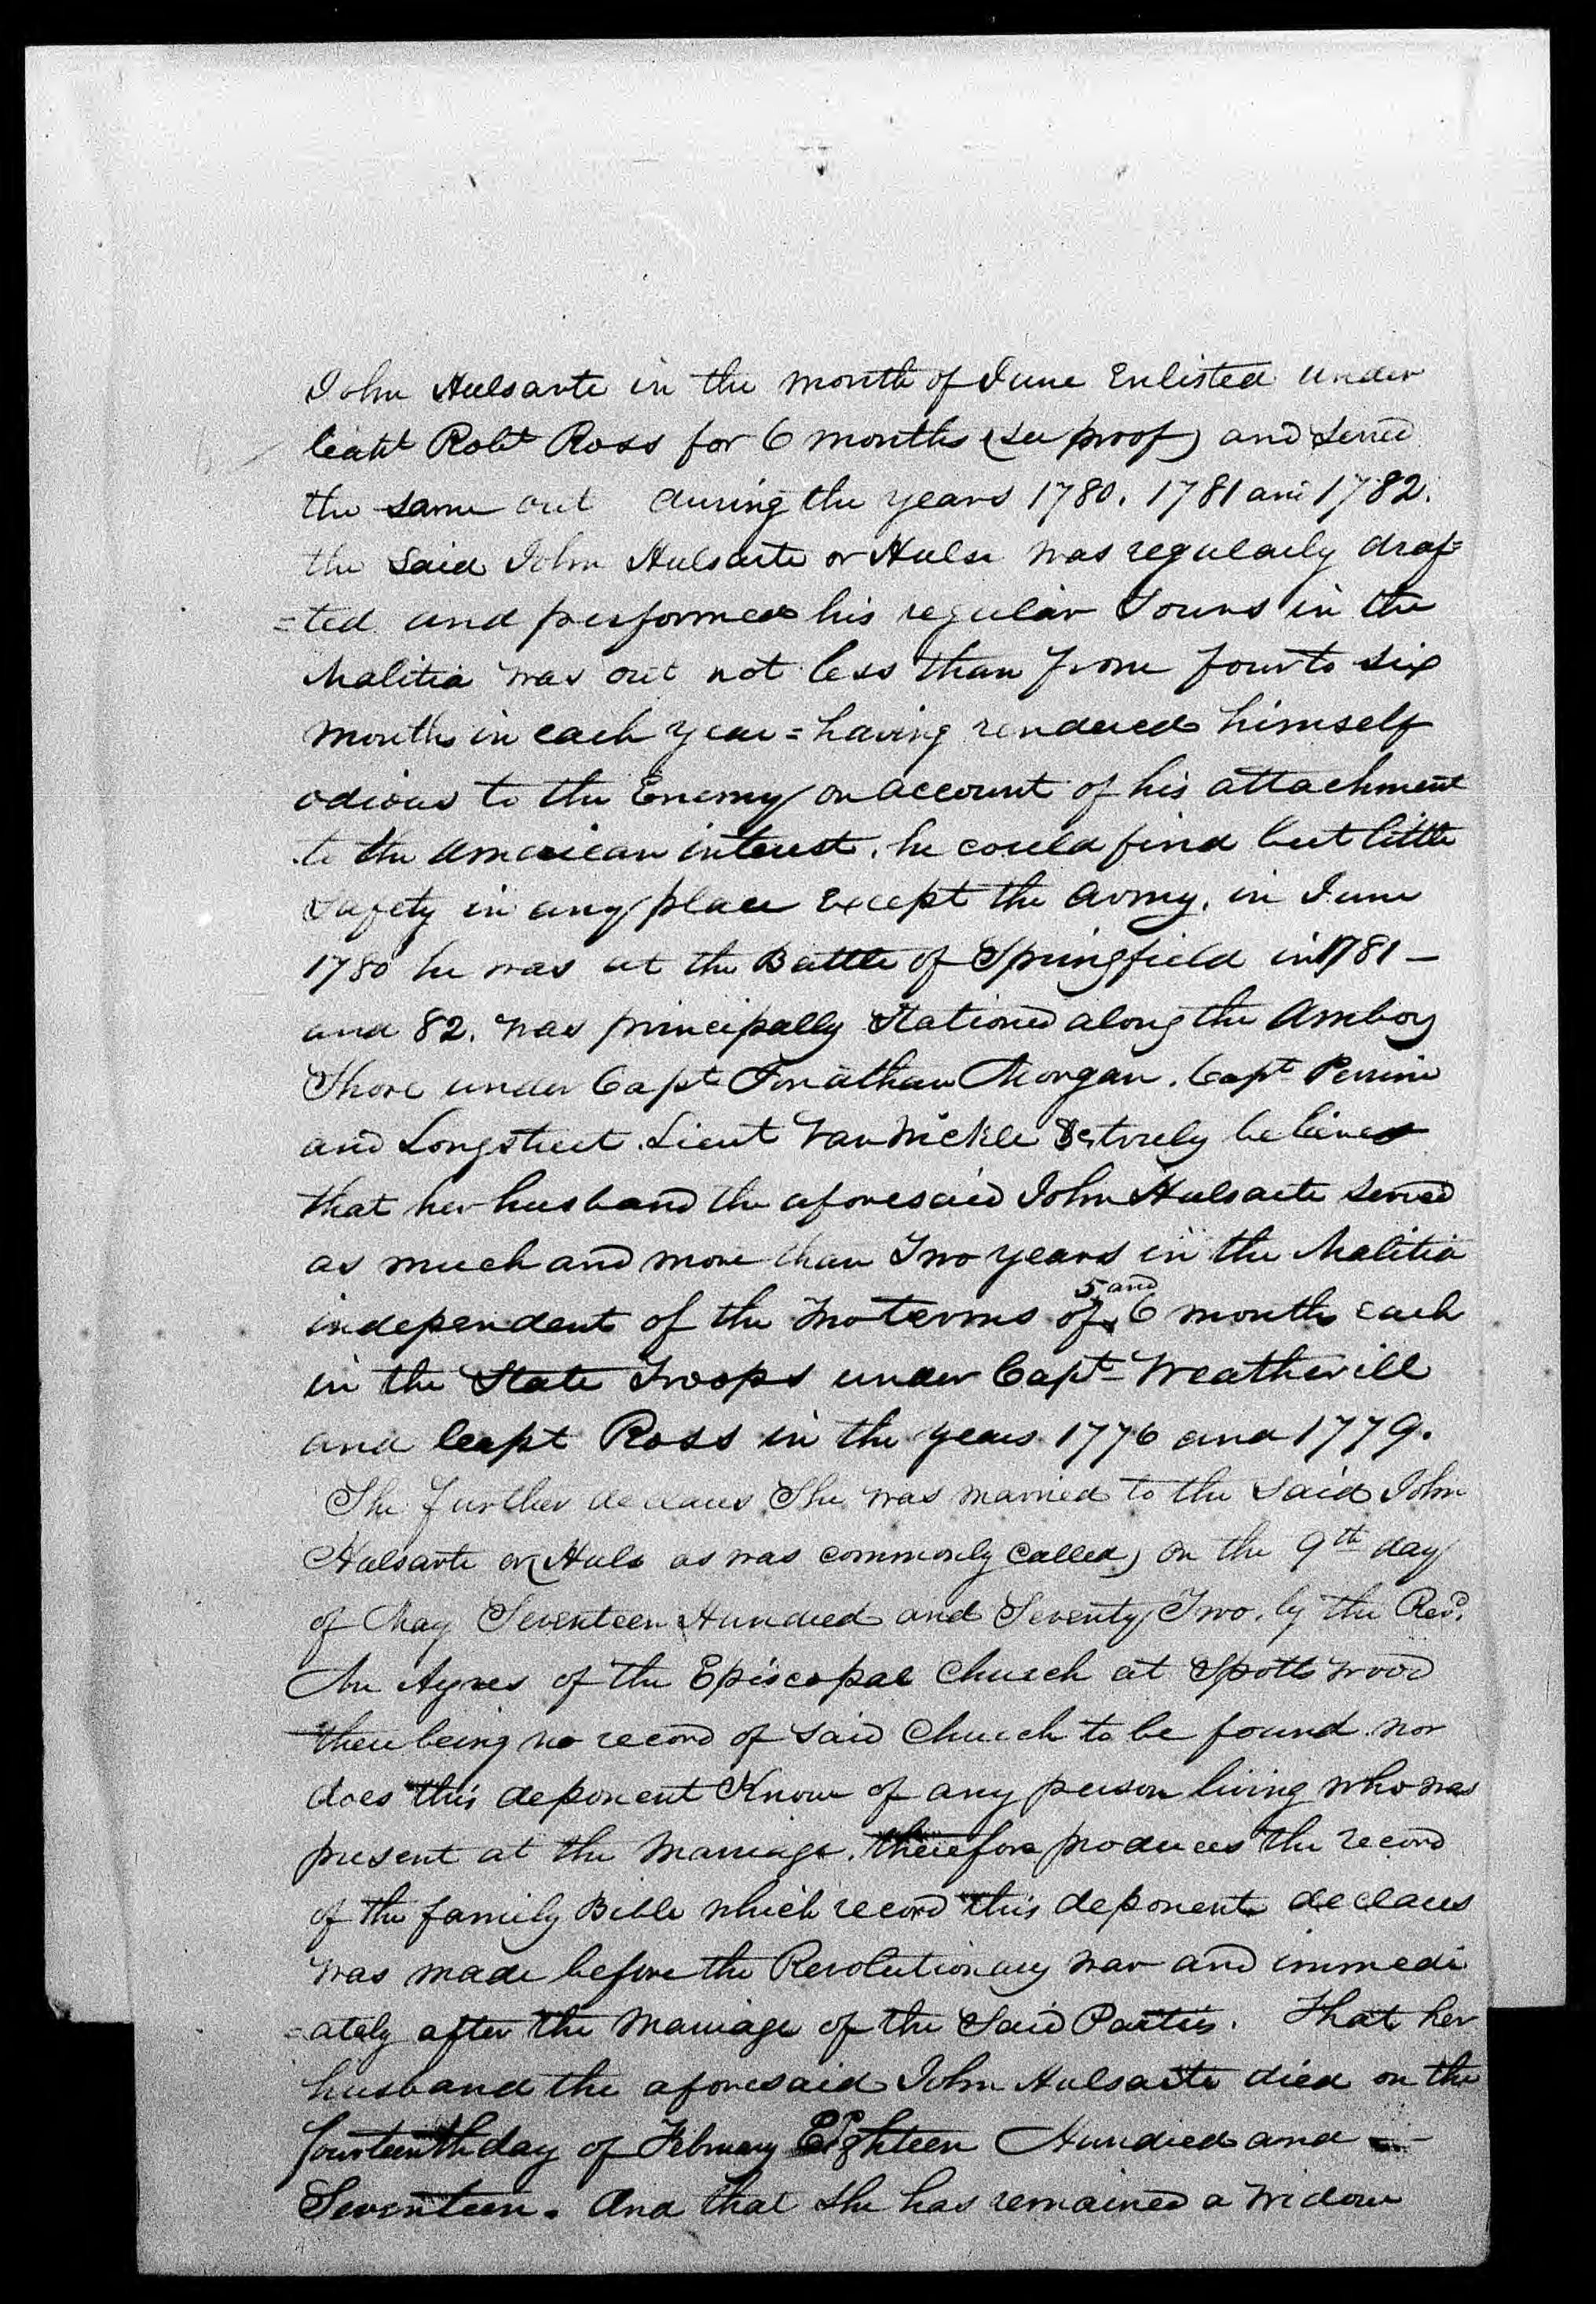John Hulsart in the month of June Enlisted under Capt. Robt Ross for 6 months (see proof) and send the same out during the years 1780, 1781 and 1782.  the said John Hulsart or Hulse was regularly drafted and performed his regular tours in the Malitia [militia] was out not less than from four to six months in each year having rendered himself odious to the Enemy on account of his attachment to the American interest, he could find but little safety in any place except the army in June 1780 he was at the Battle of Springfield in 1781- and 82, was principally stationed along the Amboy Shore under Capt Jonathan Morgan. Capt Perrine
and Longstreet Lieut Van Sickle & truly believes
that her husband the aforesaid John Hulsart served as much and more than two years in the Malitia [militia] independent of the terms of 5 and 6 months each in the State Troops under Capt Weatherill and Capt Ross in the year 1776 and 1779. She further declares she was married to the said John Hulsart (or Huls as was commonly called) on the 9th day of May Seventeen Hundred and Seventy two by the Revd An Ayres of the Episcopal Church at SpottsWood there being no record of said church to be found nor does this deponent know of any person living who was present at the marriage, therefore produces the record
of the family Bible which record this deponent declares was made before the Revolutionary war and immediately after the marriage of the said Parties. That her husband the aforesaid John Hulsart died on the fourteenth day of February Eighteen Hundred and Seventeen. And that she has remained a widow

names: Longstreet, Robt Ross, Ayres, John Hulse, Jonathan Morgan, John Hulsarte, Perrine, Weatherill, Van Wickle, John Huls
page: 9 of 34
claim: widow's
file: W. 940, John Hulshart, New Jersey